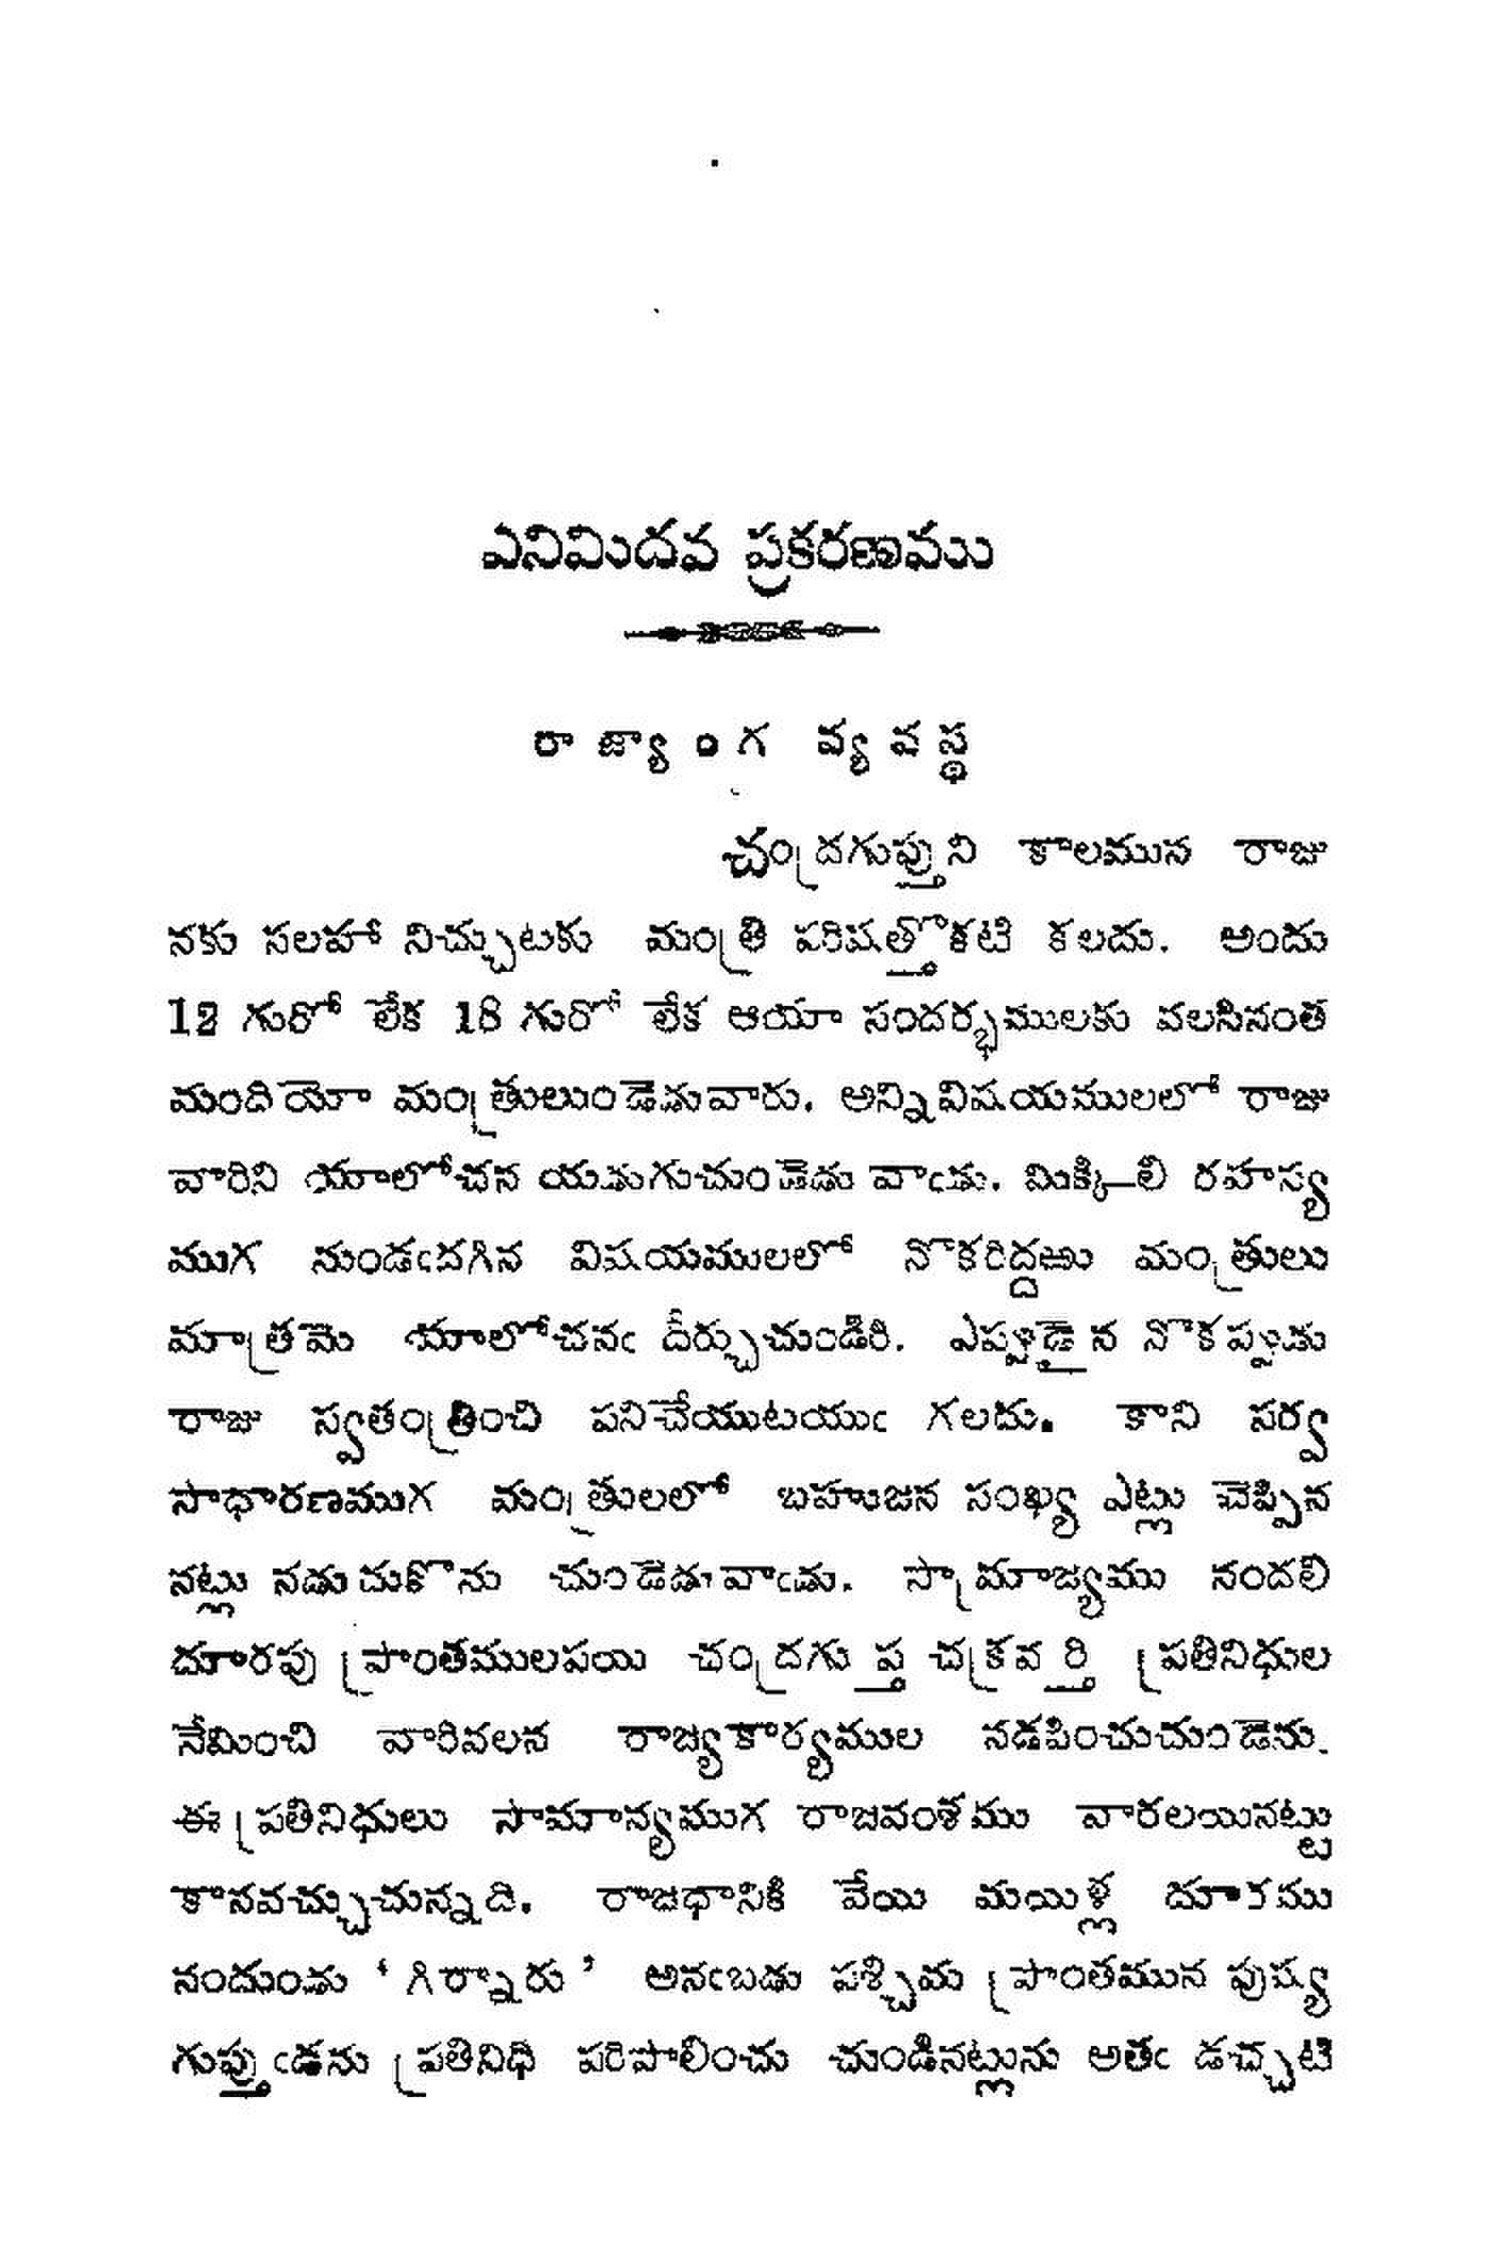ఎనిమిదవ ప్రకరణము

రాజ్యాంగ వ్యవస్థ

చంద్రగుప్తుని కాలమున రాజునకు సలహా నిచ్చుటకు మంత్రి పరిషత్తొకటి కలదు. అందు 12 గురో లేక 18 గురో లేక ఆయా సందర్భములకు వలసినంత మందియో మంత్రులుండెడువారు. అన్నివిషయములలో రాజు వారిని యాలోచన యడుగుచుండెడు వాఁడు. మిక్కిలి రహస్యముగ నుండఁదగిన విషయములలో నొకరిద్దఱు మంత్రులు మాత్రమె యాలోచనఁ దీర్చుచుండిరి. ఎప్పుడైన నొకప్పుడు రాజు స్వతంత్రించి పని చేయుటయుఁ గలదు. కాని సర్వసాధారణముగ మంత్రులలో బహుజన సంఖ్య ఎట్లు చెప్పిన నట్లు నడుచుకొను చుండెడువాఁడు. సామ్రాజ్యము నందలి దూరపు ప్రాంతములపయి చంద్రగుప్త చక్రవర్తి ప్రతినిధుల నేమించి వారివలన రాజ్యకార్యముల నడపించుచుండెను. ఈ ప్రతినిధులు సామాన్యముగ రాజవంశము వారలయినట్టు కానవచ్చుచున్నది. రాజధానికి వేయి మయిళ్ల దూరము నందుండు 'గిర్నారు' అనఁబడు పశ్చిమ ప్రాంతమున పుష్య గుప్తుఁడను ప్రతినిధి పరిపాలించు చుండినట్లును అతఁ డచ్చటి